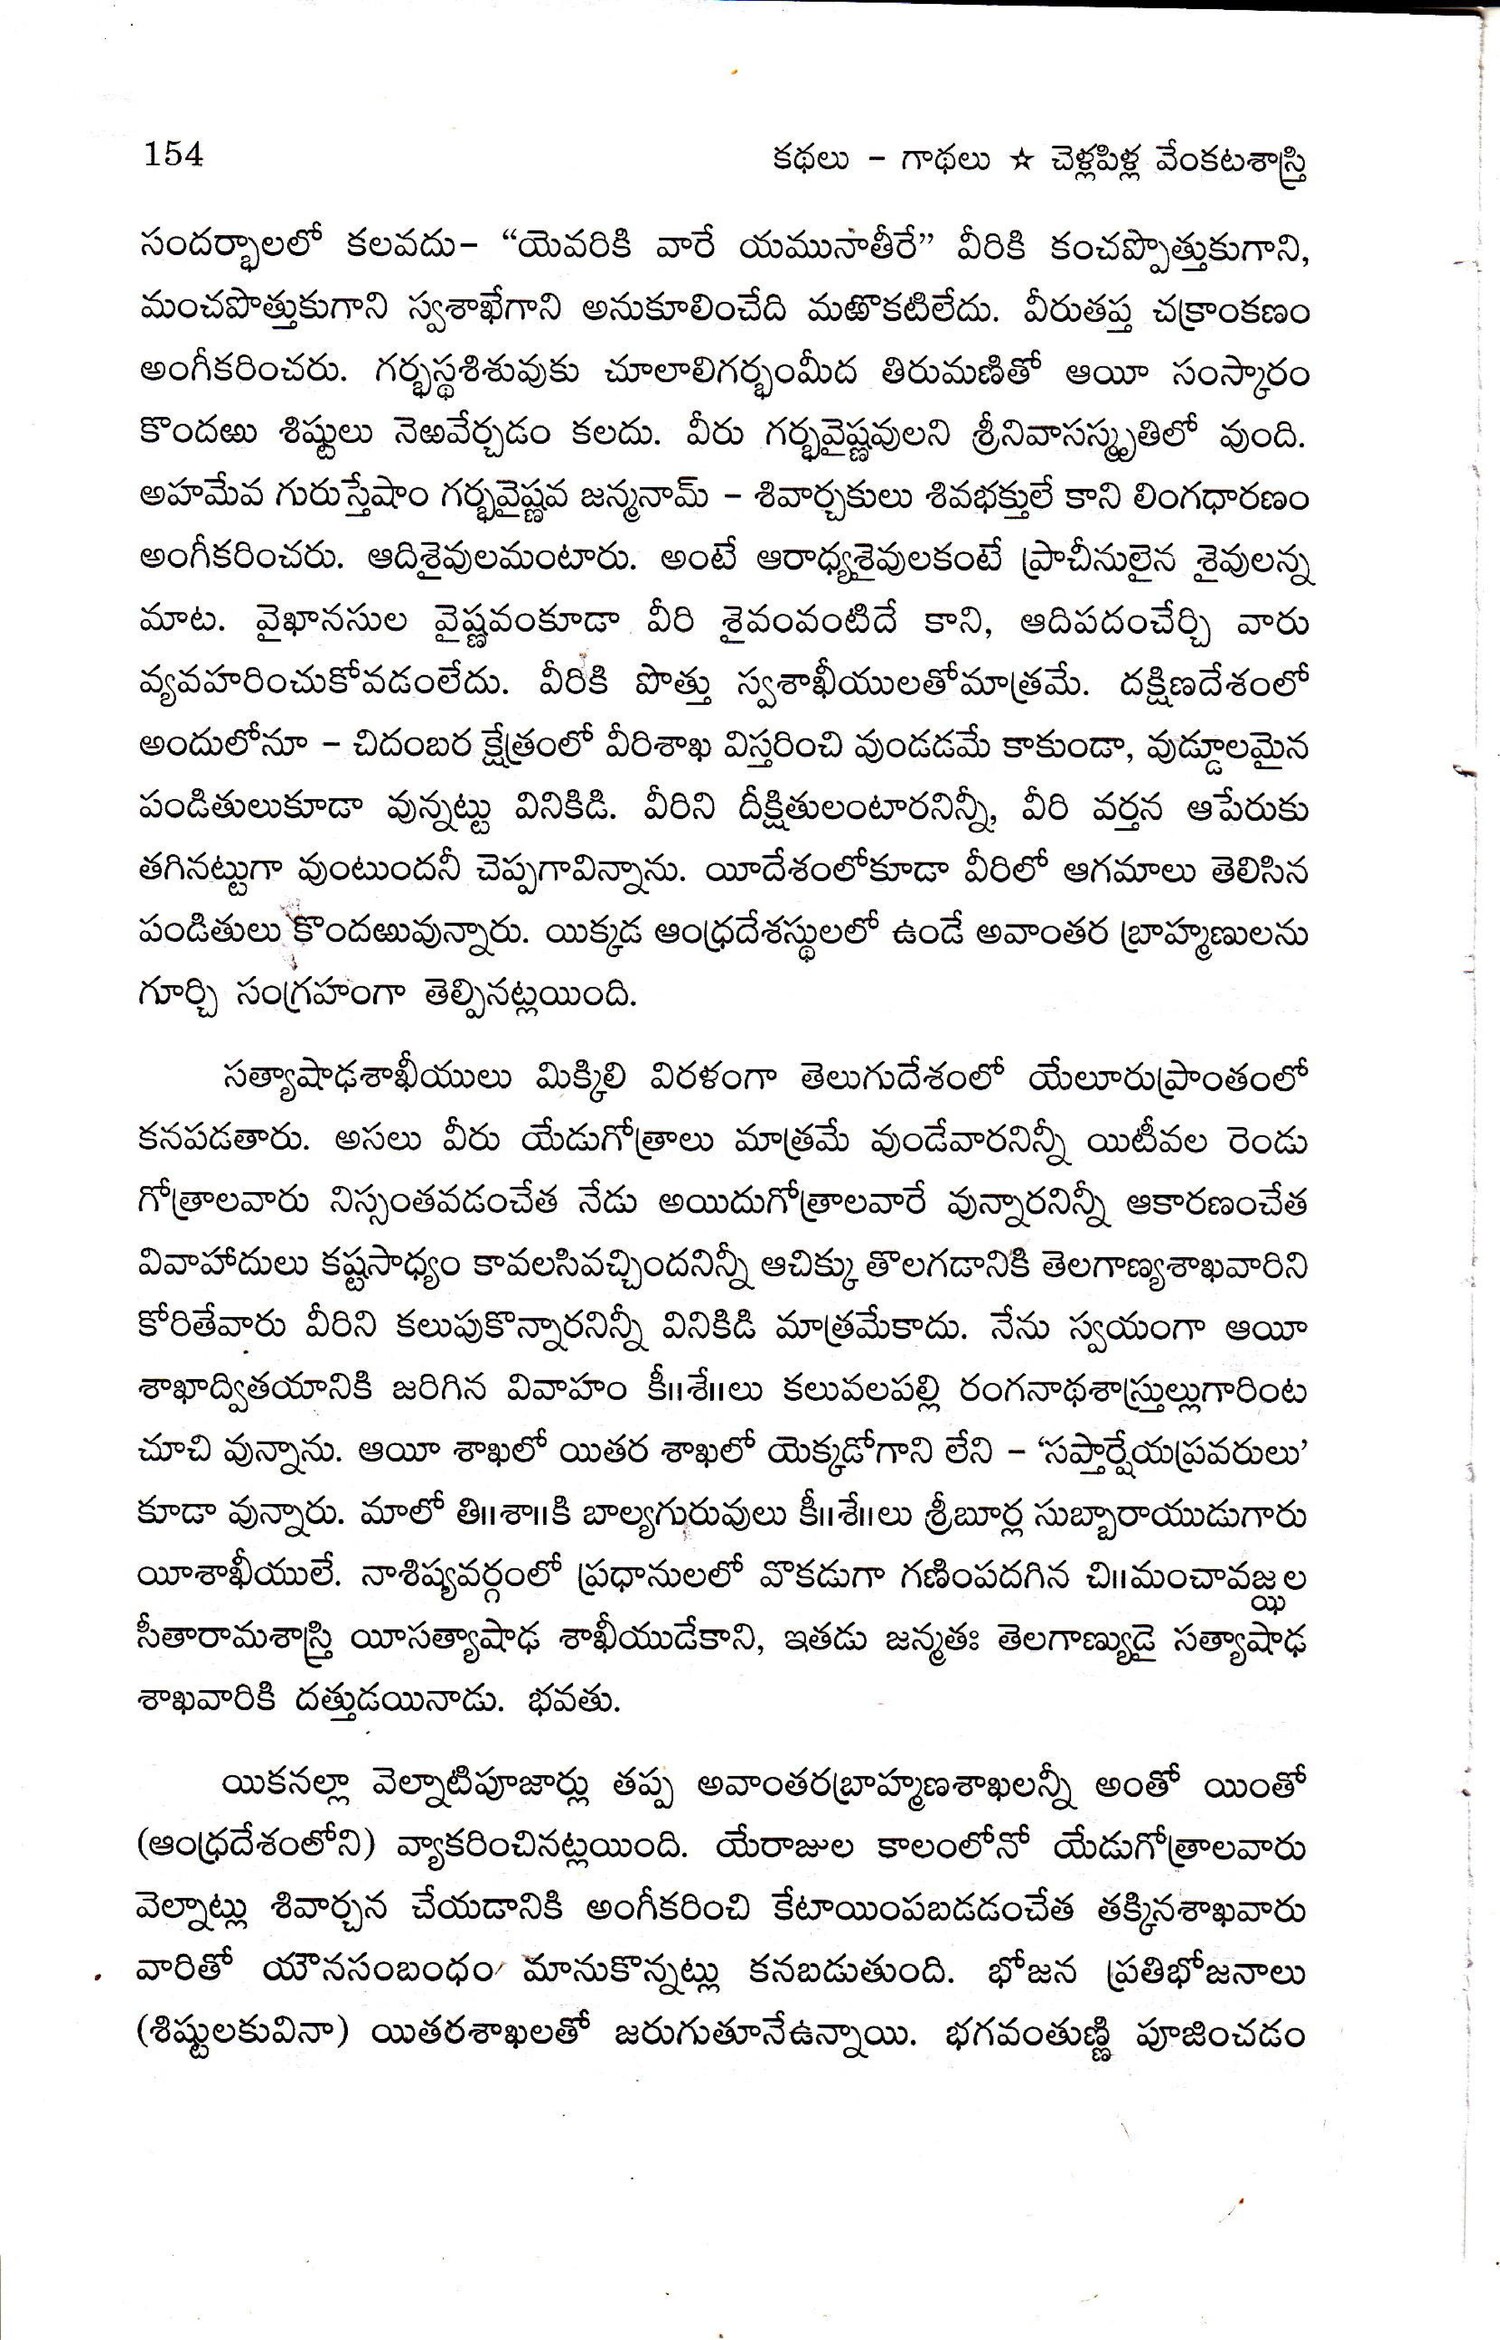సందర్భాలలో కలవదు- "యెవరికి వారే యమునాతీరే" వీరికి కంచప్పొత్తుకుగాని, మంచపొత్తుకుగాని స్వశాఖేగాని అనుకూలించేది మఱొకటిలేదు. వీరుతప్త చక్రాంకణం అంగీకరించరు. గర్భస్థశిశువుకు చూలాలిగర్భంమీద తిరుమణితో ఆయీ సంస్కారం కొందఱు శిష్టులు నెఱవేర్చడం కలదు. వీరు గర్భవైష్ణవులని శ్రీనివాసస్మృతిలో వుంది. అహమేవ గురుస్తేషాం గర్బవైష్ణవ జన్మనామ్ - శివార్చకులు శివభక్తులే కాని లింగధారణం అంగీకరించరు. ఆదిశైవులమంటారు. అంటే ఆరాధ్యశైవులకంటే ప్రాచీనులైన శైవులన్న మాట. వైఖానసుల వైష్ణవంకూడా వీరి శైవంవంటిదే కాని, ఆదిపదంచేర్చి వారు వ్యవహరించుకోవడంలేదు. వీరికి పొత్తు స్వశాఖీయులతో మాత్రమే. దక్షిణదేశంలో అందులోనూ - చిదంబర క్షేత్రంలో వీరిశాఖ విస్తరించి వుండడమే కాకుండా, వుడ్డూలమైన పండితులుకూడా వున్నట్టు వినికిడి. వీరిని దీక్షితులంటారనిన్నీ వీరి వర్తన ఆపేరుకు తగినట్టుగా వుంటుందనీ చెప్పగావిన్నాను. యీదేశంలోకూడా వీరిలో ఆగమాలు తెలిసిన పండితులు కొందఱువున్నారు. యిక్కడ ఆంధ్రదేశస్థులలో ఉండే అవాంతర బ్రాహ్మణులను గూర్చి సంగ్రహంగా తెల్పినట్లయింది.

సత్యాషాఢశాఖీయులు మిక్కిలి విరళంగా తెలుగుదేశంలో యేలూరుప్రాంతంలో కనపడతారు. అసలు వీరు యేడుగోత్రాలు మాత్రమే వుండేవారనిన్నీ యిటీవల రెండు గోత్రాలవారు నిస్సంతవడంచేత నేడు అయిదుగోత్రాలవారే వున్నారనిన్నీ ఆకారణంచేత వివాహాదులు కష్టసాధ్యం కావలసివచ్చిందనిన్నీ ఆచిక్కు తొలగడానికి తెలగాణ్యశాఖవారిని కోరితేవారు వీరిని కలుపుకొన్నారనిన్నీ వినికిడి మాత్రమేకాదు. నేను స్వయంగా ఆయీ శాఖాద్వితయానికి జరిగిన వివాహం కీ||శే||లు కలువలపల్లి రంగనాథశాస్త్రుల్లుగారింట చూచి వున్నాను. ఆయీ శాఖలో యితర శాఖలో యొక్కడోగాని లేని - 'సప్తార్షేయప్రవరులు' - కూడా వున్నారు. మాలో తి||శాIIకి బాల్యగురువులు కీ||శే||లు శ్రీబూర్ల సుబ్బారాయుడుగారు యీశాఖీయులే. నాశిష్యవర్గంలో ప్రధానులలో వొకడుగా గణింపదగిన చి||మంచావజ్ఝల సీతారామశాస్త్రి యీసత్యాషాఢ శాఖీయుడేకాని, ఇతడు జన్మతః తెలగాణ్యుడై సత్యాషాఢ శాఖవారికి దత్తుడయినాడు. భవతు.

యికనల్లా వెల్నాటిపూజార్లు తప్ప అవాంతర బ్రాహ్మణశాఖలన్నీ అంతో యింతో . (ఆంధ్రదేశంలోని) వ్యాకరించినట్లయింది. యేరాజుల కాలంలోనో యేడుగోత్రాలవారు - వెల్నాట్లు శివార్చన చేయడానికి అంగీకరించి కేటాయింపబడడంచేత తక్కినశాఖవారు , వారితో యౌనసంబంధం మానుకొన్నట్లు కనబడుతుంది. భోజన ప్రతిభోజనాలు (శిష్టులకువినా) యితరశాఖలతో జరుగుతూనేఉన్నాయి. భగవంతుణ్ణి పూజించడం